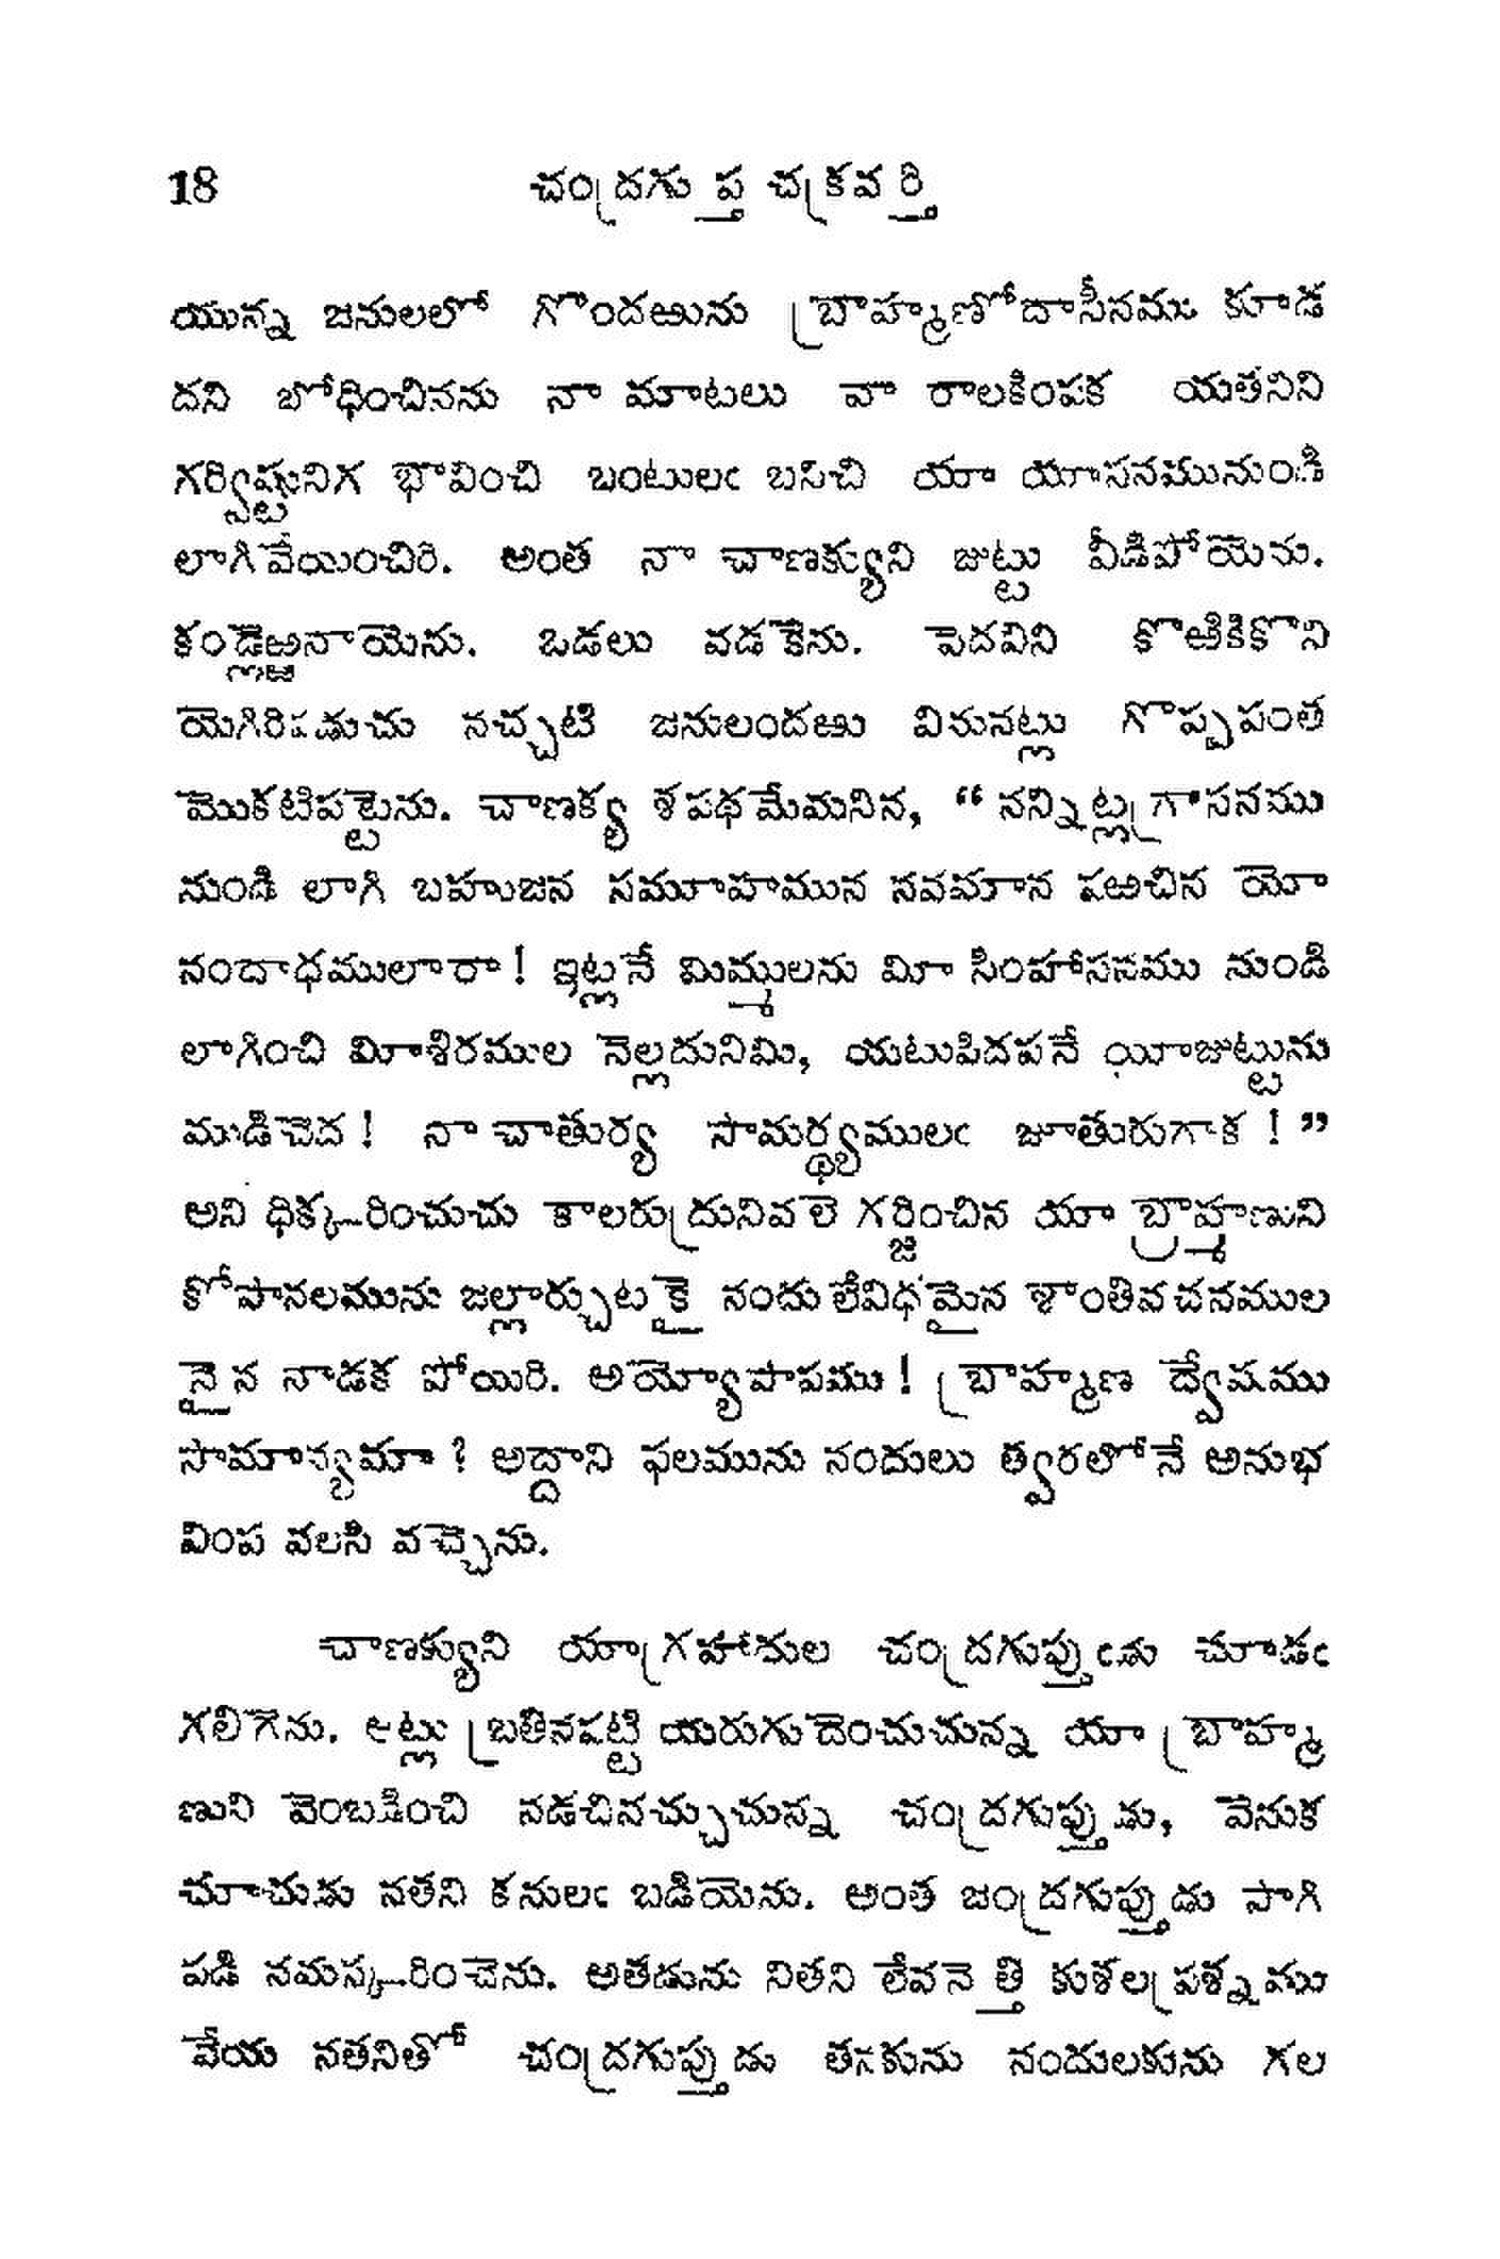యున్న జనులలో గొందఱును బ్రాహ్మణోదాసీనము కూడదని బోధించినను నా మాటలు వా రాలకింపక యతనిని గర్విష్టునిగా భావించి బంటులఁ బనిచి యా యాసనమునుండి లాగివేయించిరి. అంత నా చాణక్యుని జుట్టు వీడిపోయెను. కండ్లెఱ్ఱనాయెను. ఒడలు వడకెను.. పెదవిని కొఱికికొని యెగిరిపడుచు నచ్చటి జనులందఱు వినునట్లు గొప్పపంత మొకటిపట్టెను. చాణక్య శపథమేమనిన, "నన్నిట్లగ్రాసనము నుండి లాగి బహుజన సమూహమున నవమాన పఱచిన యో నందాధములారా! ఇట్లనే మిమ్ములను మీ సీంహాసనము నుండి లాగించి మీశిరముల నెల్లదునిమి, యటుపిదపనే యీజుట్టును ముడిచెద ! నా చాతుర్య సామర్థ్యములఁ జూతురుగాక!" అని ధిక్కరించుచు కాలరుద్రునివలె గర్జించిన యా బాహ్మణుని కోపానలమును జల్లార్చుటకై నందు లేవిధమైన శాంతివచనముల నైన నాడక పోయిరి. అయ్యోపాపము! బ్రాహ్మణ ద్వేషము సామాన్యమా? అద్దాని ఫలమును నందులు త్వరలోనే అనుభవింప వలసి వచ్చెను.

చాణక్యుని యాగ్రహాదుల చంద్రగుప్తుఁడు చూడఁ గలిగెను, ఆట్లు బ్రతినపట్టి యరుగుదెంచుచున్న యా బాహ్మణుని వెంబడించి నడచివచ్చుచున్న చంద్రగుప్తుడు, వెనుక చూచుడు నతని కనులఁ బడియెను. అంత జంద్రగుప్తుడు సాగిపడి నమస్కరించెను. అతడును నితని లేవనెత్తి కుశలప్రశ్నము వేయ నతనితో చంద్రగుప్తుడు తనకును నందులకును గల